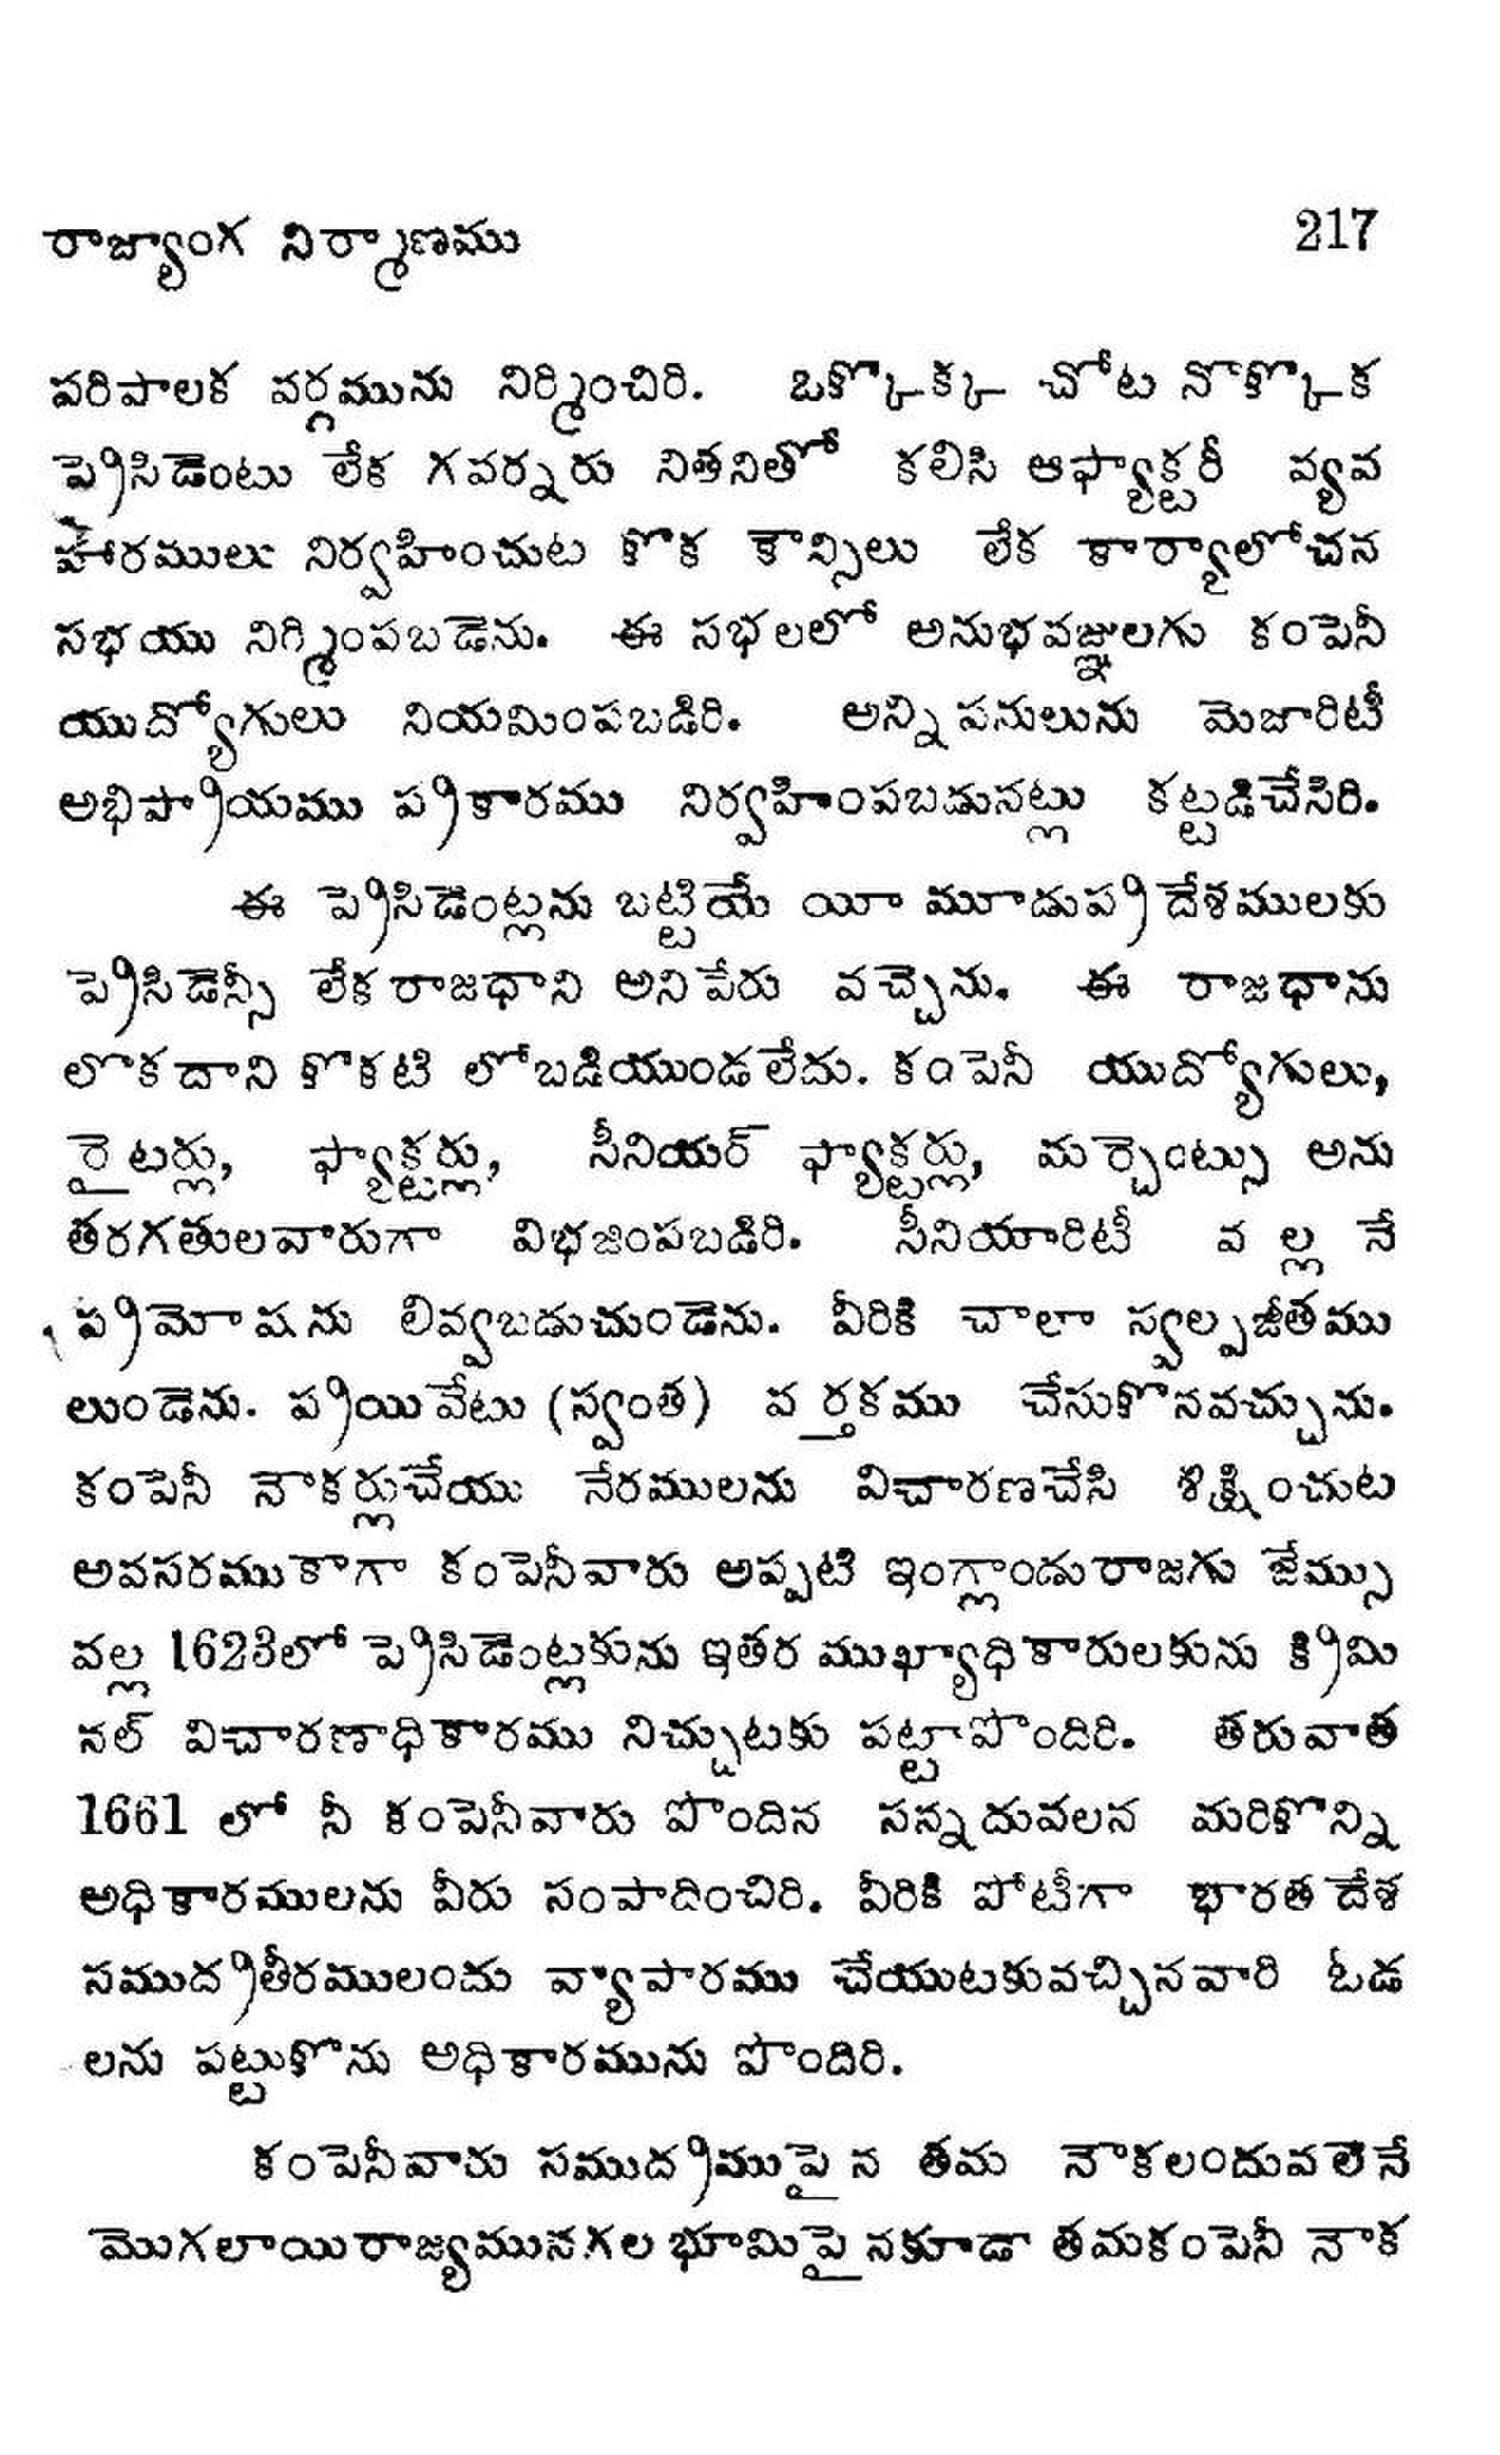పరిపాలక వర్గమును నిర్మించిరి. ఒక్కొక్క చోట నొక్కొక ప్రెసిడెంటు లేక గవర్నరు నితనితో కలిసి ఆఫ్యాక్టరీ వ్యవహారములు నిర్వహించుట కొక కౌన్సిలు లేక కార్యాలోచన సభయు నిర్మింపబడెను. ఈ సభలలో అనుభవజ్ఞులగు కంపెనీ యుద్యోగులు నియమింపబడిరి. అన్ని పనులును మెజారిటీ అభిప్రాయము ప్రకారము నిర్వహింపబడునట్లు కట్టడిచేసిరి.

ఈ ప్రెసిడెంట్లను బట్టియే యీ మూడుప్రదేశములకు ప్రెసిడెన్సీ లేక రాజధాని అని పేరు వచ్చెను. ఈ రాజధాను లొకదాని కొకటి లోబడియుండలేదు. కంపెనీ యుద్యోగులు, రైటర్లు, ఫ్యాక్టర్లు, సీనియర్ ఫ్యాక్టర్లు, మర్చెంట్సు అను తరగతులవారుగా విభజింపబడిరి. సీనియారిటీ వల్ల నే ప్రమోషను లివ్వబడుచుండెను. వీరికి చాలా స్వల్పజీతము లుండెను. ప్రయివేటు (స్వంత) వర్తకము చేసుకొనవచ్చును. కంపెనీ నౌకర్లుచేయు నేరములను విచారణచేసి శిక్షించుట అవసరముకాగా కంపెనీవారు అప్పటి ఇంగ్లాండు రాజగు జేమ్సు వల్ల 1623 లో ప్రెసిడెంట్లకును ఇతర ముఖ్యాధికారులకును క్రిమినల్ విచారణాధికారము నిచ్చుటకు పట్టాపొందిరి. తరువాత 1661 లో నీ కంపెనీవారు పొందిన సన్నదువలన మరికొన్ని అధికారములను వీరు సంపాదించిరి. వీరికి పోటీగా భారతదేశ సముద్రతీరములందు వ్యాపారము చేయుటకువచ్చినవారి ఓడలను పట్టుకొను అధికారమును పొందిరి.

కంపెనీవారు సముద్రముపైన తమ నౌకలందువలెనే మొగలాయిరాజ్యమునగల భూమిపైనకూడా తమకంపెనీ నౌక